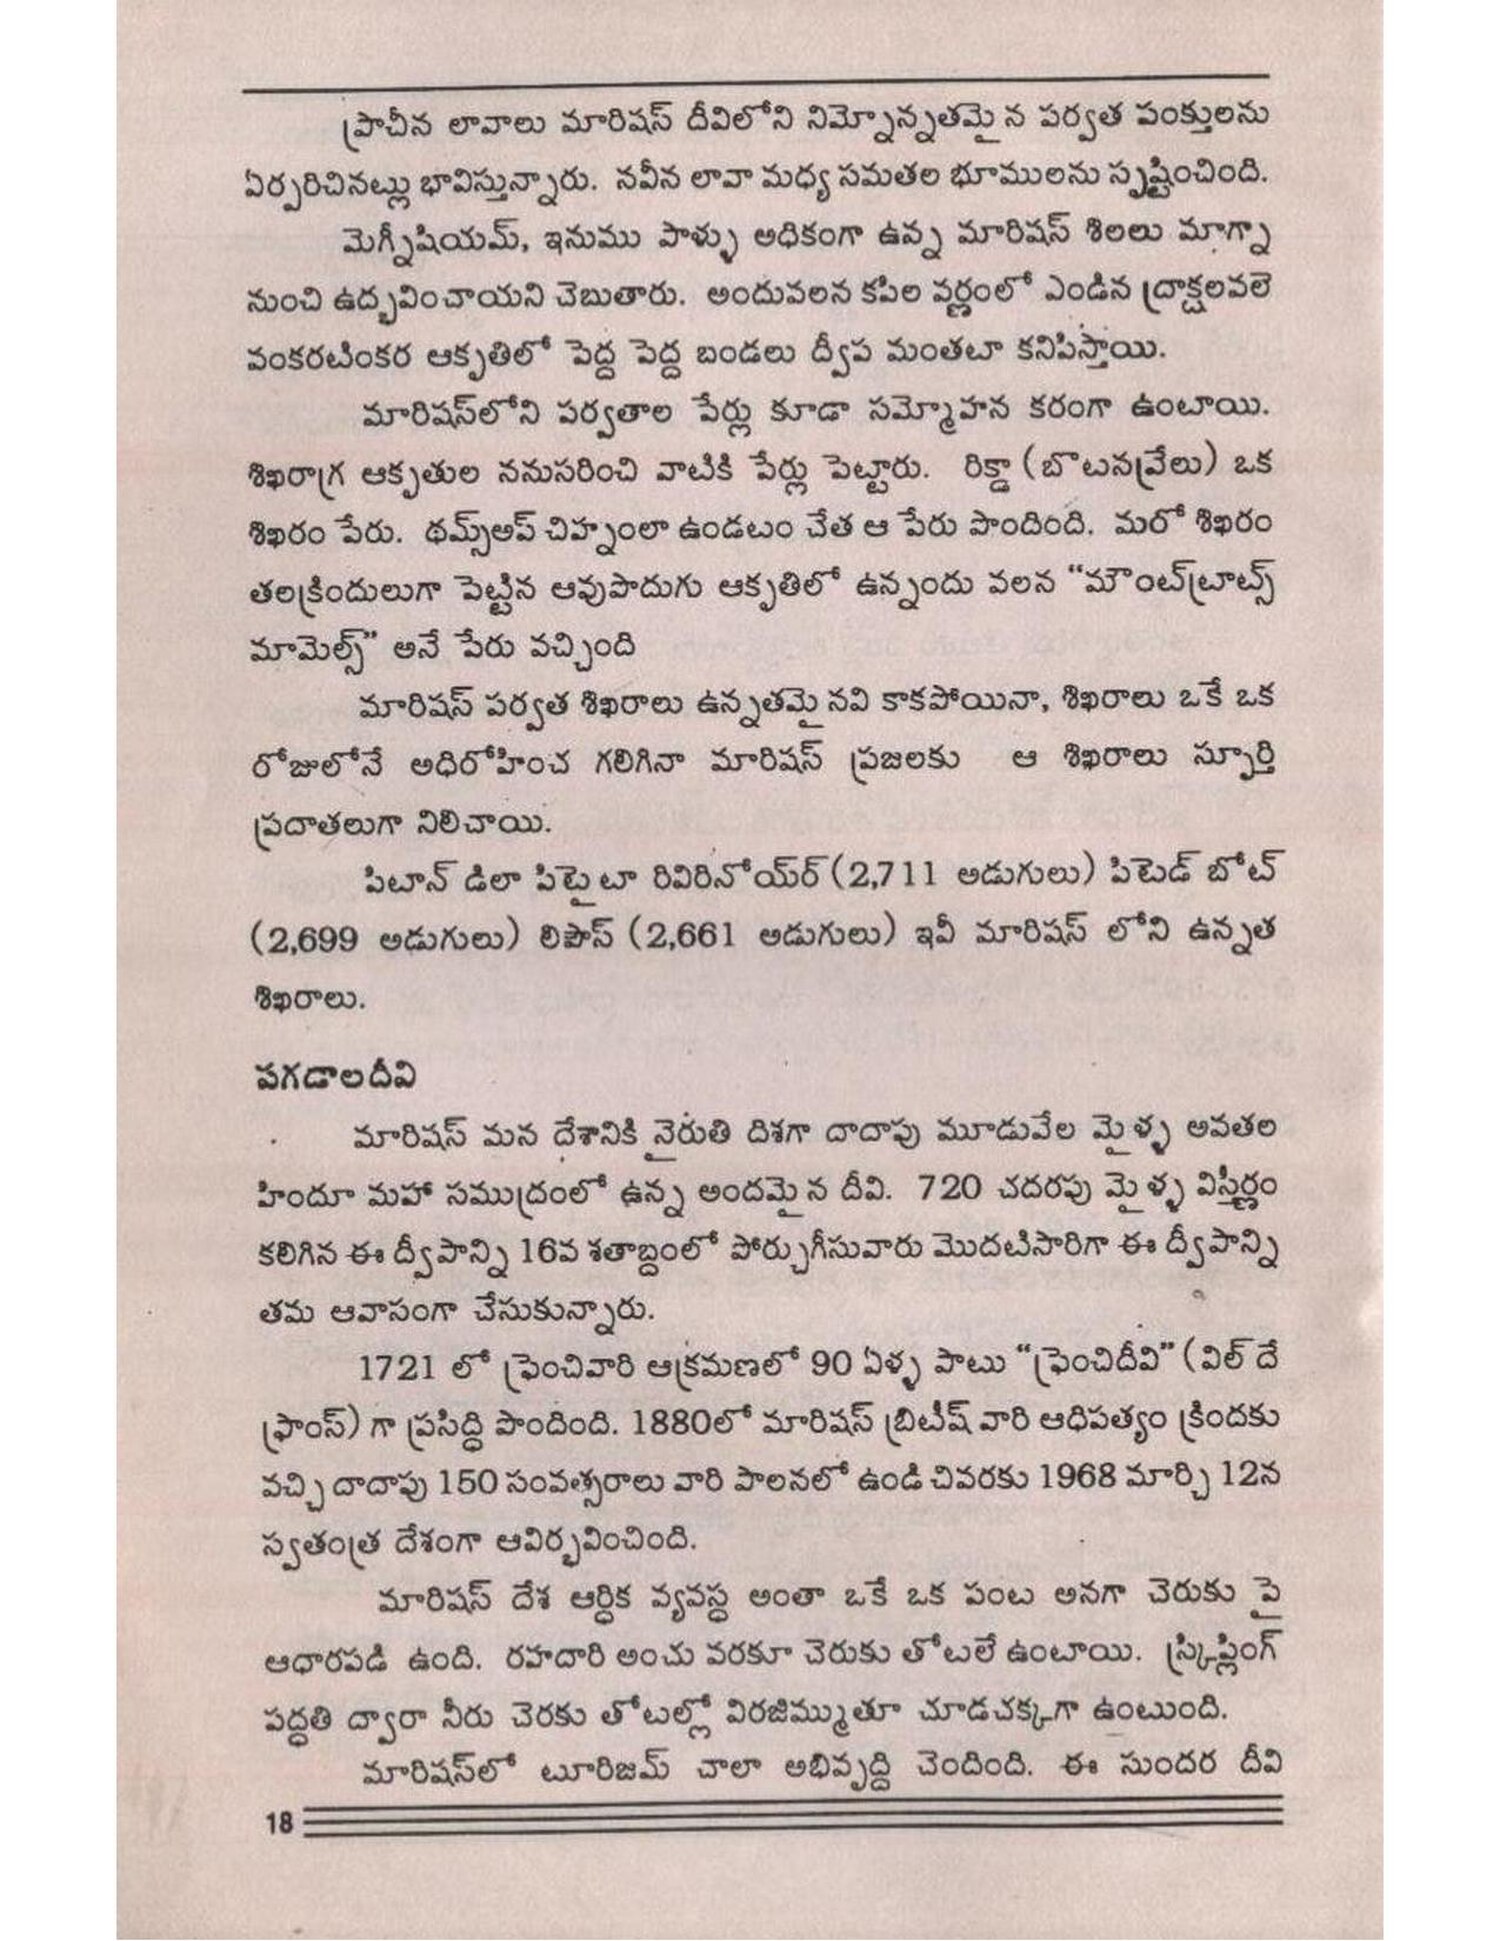ప్రాచీన లావాలు మారిషస్ దీవిలోని నిమ్నోన్నతమైన పర్వత పంక్తులను ఏర్పరిచినట్టు భావిస్తున్నారు. నవీన లావా మధ్య సమతల భూములను సృష్టించింది. 

మెగ్నీషియమ్, ఇనుము పాళ్ళు అధికంగా ఉన్న మారిషస్ శిలలు మాగ్నా నుంచి ఉద్భవించాయని చెబుతారు. అందువలన కపిల వర్ణంలో ఎండిన ద్రాక్షలవలె వంకరటింకర ఆకృతిలో పెద్ద పెద్ద బండలు ద్వీప మంతటా కనిపిస్తాయి.

మారిషస్‌లోని పర్వతాల పేర్లు కూడా సమ్మోహన కరంగా ఉంటాయి. శిఖరాగ్ర ఆకృతుల ననుసరించి వాటికి పేర్లు పెట్టారు. రిక్డా (బొటనవ్రేలు) ఒక శిఖరం పేరు. థమ్స్అప్ చిహ్నంలా ఉండటం చేత ఆ పేరు పొందింది. మరో శిఖరం తలక్రిందులుగా పెట్టిన ఆవు పొదుగు ఆకృతిలో ఉన్నందు వలన "మౌంట్‌ట్రా ట్స్ మామెల్స్" అనే పేరు వచ్చింది

మారిషస్ పర్వత శిఖరాలు ఉన్నతమైనవి కాకపోయినా, శిఖరాలు ఒకే ఒక రోజులోనే అధిరోహించ గలిగినా మారిషస్ ప్రజలకు ఆ శిఖరాలు స్పూర్తి ప్రదాతలుగా నిలిచాయి.

పిటాన్ డిలా పిఫైటా రివిరినోయర్ (2,711 అడుగులు) పిటెడ్ బోట్ (2,699 అడుగులు) లిపాస్ (2,661 అడుగులు) ఇవీ మారిషస్ లోని ఉన్నత శిఖరాలు.

పగడాలదీవి

మారిషస్ మన దేశానికి నైరుతి దిశగా దాదాపు మూడువేల మైళ్ళ అవతల హిందూ మహా సముద్రంలో ఉన్న అందమైన దీవి. 720 చదరపు మైళ్ళ విస్తీర్ణం కలిగిన ఈ ద్వీపాన్ని 16వ శతాబ్దంలో పోర్చుగీసువారు మొదటిసారిగా ఈ ద్వీపాన్ని తమ ఆవాసంగా చేసుకున్నారు.

1721 లో ఫ్రెంచివారి ఆక్రమణలో 90 ఏళ్ళ పాటు "ఫ్రెంచిదీవి"(విల్ దే ప్రాంస్) గా ప్రసిద్ధి పొందింది. 1880లో మారిషస్ బ్రిటీష్ వారి ఆధిపత్యం క్రిందకు వచ్చి దాదాపు 150 సంవత్సరాలు వారి పాలనలో ఉండి చివరకు 1968 మార్చి 12న స్వతంత్ర దేశంగా ఆవిర్భవించింది. 

మారిషస్ దేశ ఆర్ధిక వ్యవస్థ అంతా ఒకే ఒక పంట అనగా చెరుకు పై ఆధారపడి ఉంది. రహదారి అంచు వరకూ చెరుకు తోటలే ఉంటాయి. స్క్రిప్లింగ్ పద్ధతి ద్వారా నీరు చెరకు తోటల్లో విరజిమ్ముతూ చూడచక్కగా ఉంటుంది.

మారిషస్‌లో టూరిజమ్ చాలా అభివృద్ది చెందింది. ఈ సుందర దీవి